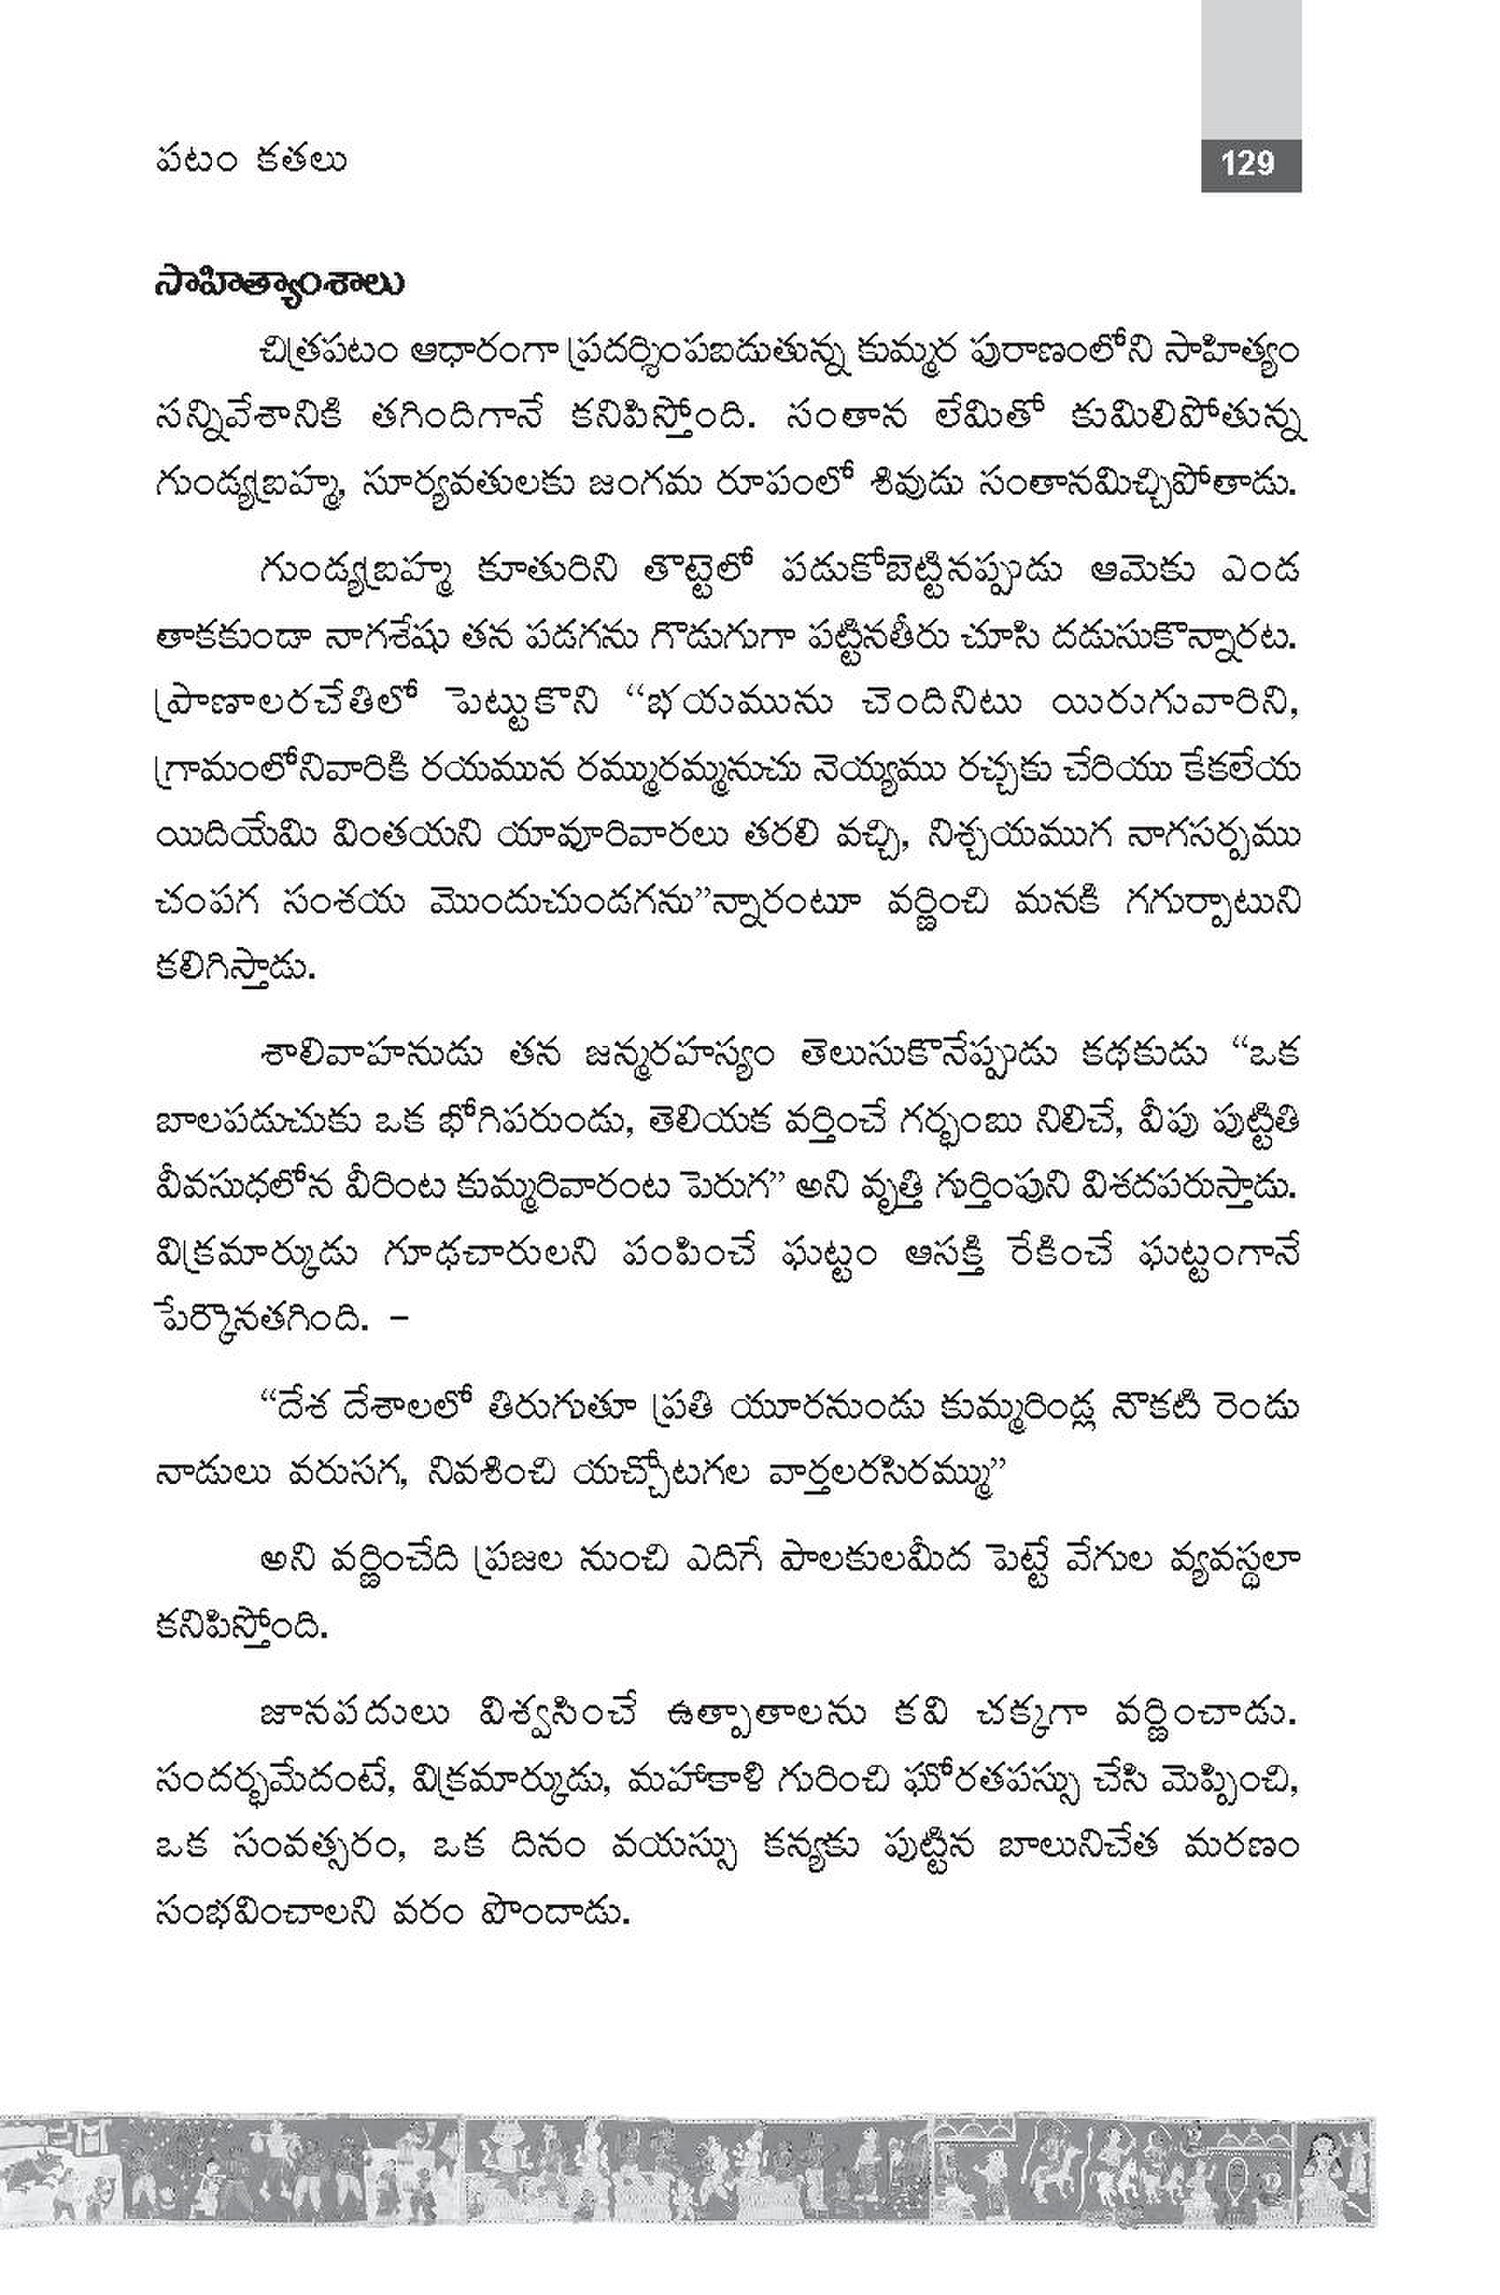సాహిత్యాంశాలు 

చిత్రపటం ఆధారంగా ప్రదర్శింపబడుతున్న కుమ్మర పురాణంలోని సాహిత్యం సన్నివేశానికి తగిందిగానే కనిపిస్తోంది. సంతాన లేమితో కుమిలిపోతున్న గుండ్యబ్రహ్మ, సూర్యవతులకు జంగమ రూపంలో శివుడు సంతానమిచ్చిపోతాడు.

గుండ్యబ్రహ్మ కూతురిని తొట్టెలో పడుకోబెట్టినప్పుడు ఆమెకు ఎండ తాకకుండా నాగశేషు తన పడగను గొడుగుగా పట్టినతీరు చూసి దడుసుకొన్నారట. ప్రాణాలరచేతిలో పెట్టుకొని “భయమును చెందినిటు యిరుగువారిని, గ్రామంలోని వారికి రయమున రమ్ము రమ్మనుచు నెయ్యము రచ్చకు చేరియు కేకలేయ యిదియేమి వింతయని యావూరివారలు తరలి వచ్చి, నిశ్చయముగ నాగసర్పము చంపగ సంశయ మొందుచుండగను"న్నారంటూ వర్ణించి మనకి గగుర్పాటుని
కలిగిస్తాడు.

శాలివాహనుడు తన జన్మరహస్యం తెలుసుకొనేప్పుడు కథకుడు “ఒక బాలపడుచుకు ఒక భోగిపరుండు, తెలియక వర్తించే గర్భంబు నిలిచే, వీపు పుట్టితి వీవసుధలోన వీరింట కుమ్మరివారంట పెరుగ” అని వృత్తి గుర్తింపుని విశదపరుస్తాడు.
విక్రమార్కుడు గూఢచారులని పంపించే ఘట్టం ఆసక్తి రేకించే ఘట్టంగానే పేర్కొంది.

"దేశ దేశాలలో తిరుగుతూ ప్రతి యూరనుండు కుమ్మరిండ్ల నౌకటి రెండు నాడులు వరుసగ, నివశించి యచ్చోటగల వార్తలరసి రమ్ము” అని వర్ణించేది ప్రజల నుంచి ఎదిగే పాలకులమీద పెట్టే వేగుల వ్యవస్థలా కనిపిస్తోంది.

జానపదులు విశ్వసించే ఉత్పాతాలను కవి చక్కగా వర్ణించాడు. సందర్భమేదంటే, విక్రమార్కుడు, మహాకాళి గురించి ఘోరతపస్సు చేసి మెప్పించి, ఒక సంవత్సరం, ఒక దినం వయస్సు కన్యకు పుట్టిన బాలునిచేత మరణం సంభవించాలని వరం పొందాడు.